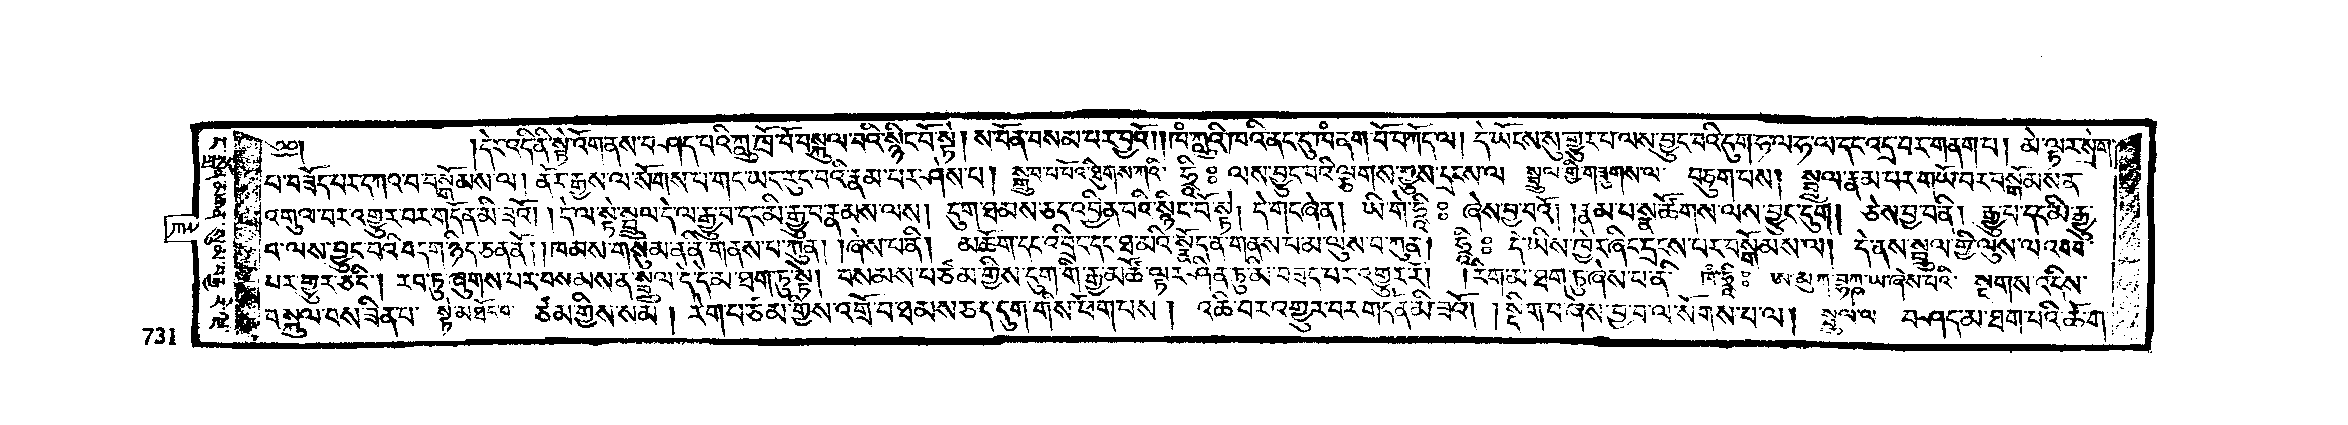༄༅། །དེར་འདི་ནི་སྟེ་འོག་ནས་བཤད་པའི་ཀླུ་ཁྲོ་བོ་བསྐུལ་བའི་སྙིང་པོ་སྟེ། ས་བོན་བསམ་པར་བྱའོ། །ཁཾ་ཀླུའི་ཁའི་ནང་དུ་ཁཾ་ནག་པོ་བཀོད་ལ། དེ་ཡོངས་སུ་གྱུར་པ་ལས་བྱུང་བའི་དུག་ཧ་ལ་ཧ་ལ་དང་འདྲ་བར་གནག་པ། མེ་ལྟར་སྲེག་
པ་བཟོད་པར་དཀའ་བ་བསོམས་ལ། ནོར་རྒྱས་ལ་སོགས་པ་གང་ཡང་རུང་བའི་རྣམ་པར་ཤེས་པ། སྒྲུབ་པ་པོའི་ཐུགས་ཀའི་ཧྲཱིཿ ལས་བྱུང་བའི་ལྕགས་ཀྱུས་དྲངས་ལ་སྦྲུལ་གྱི་གཟུགས་ལ་བཅུག་པས། སྦྲུལ་རྣམ་པར་གཡོ་བར་བསྒོམས་ན་
འགུལ་བར་འགྱུར་བར་གདོན་མི་ཟའོ། །དེ་ལ་སྟེ་སྦྲུལ་དེ་ལ་རྒྱུ་བ་དང་མི་རྒྱུ་བ་རྣམས་ལས། དུག་ཐམས་ཅད་འབྱིན་པའི་སྙིང་པོ་སྟེ། དེ་གང་ཞེ་ན། ཡི་གེ་ཧྲཱིཿ ཞེས་བྱ་བའོ། །རྣམ་པ་སྣ་ཚོགས་ལས་བྱུང་དུག །ཅེས་བྱ་བ་ནི། རྒྱུ་བ་དང་མི་རྒྱུ་
བ་ལས་བྱུང་བའི་བདག་ཉིད་ཅན་ནོ། །ཁམས་གསུམ་ན་ནི་གནས་པ་ཀུན། །ཞེས་པ་ནི། མཆོག་དང་འབྲིང་དང་ཐ་མའི་སྣོད་ན་གནས་པ་མ་ལུས་པ་ཀུན། ཧྲཱིཿ དེ་ཡིས་ཁྱེར་ཞིང་དྲངས་པར་བསྒོམས་ལ། དེ་ནས་སྦྲུལ་གྱི་ལུས་ལ་འབབ་
པར་གྱུར་ཅིང་། རབ་ཏུ་ཞུགས་པར་བསམས་ན་སྦྲུལ་དེ་དེ་མ་ཐག་ཏུ་སྟེ། བསམས་པ་ཙམ་གྱིས་དུག་གི་རྒྱ་མཚོ་ལྟར་ཤིན་ཏུ་མི་བཟད་པར་འགྱུར་རོ། །རེག་མ་ཐག་ཏུ་ཞེས་པ་ནི་ཁཾ་ཧྲཱིཿ ཨ་མུ་ཀ་བྷཀྵ་ཡ་ཞེས་པའི་སྔགས་འདིས་
བསྐུལ་བས་ཟིན་པ་སྟེ་མཐོང་བ་ཙམ་གྱིས་སམ། རེག་པ་ཙམ་གྱིས་འགྲོ་བ་ཐམས་ཅད་དུག་གིས་ཕོག་པས། འཆི་བར་འགྱུར་བར་གདོན་མི་ཟའོ། །སྡིག་པ་ཞེས་བྱ་བ་ལ་སོགས་པ་ལ། སྤྲུལ་ལ་བཤད་མ་ཐག་པའི་ཆོ་ག་